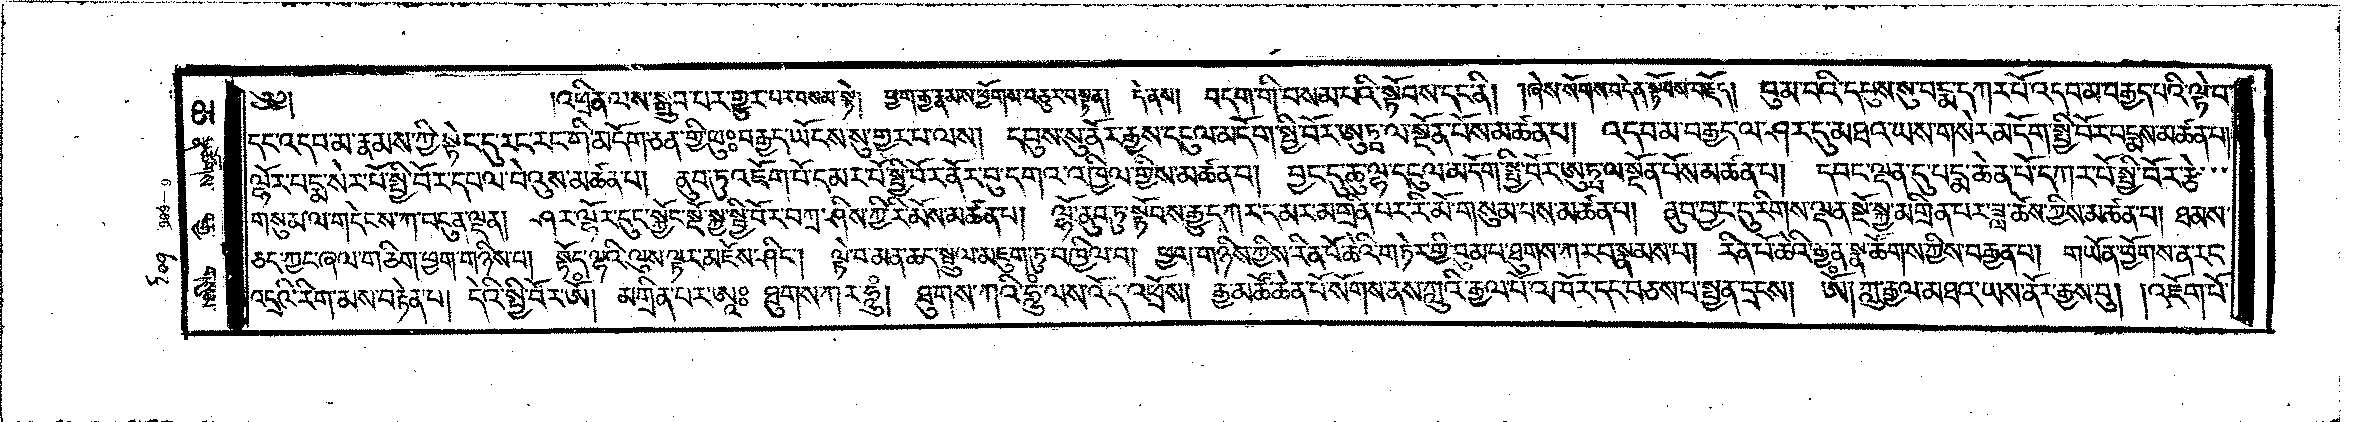༄༅། །འཕྲིན་ལས་སྒྲུབ་པར་གྱུར་པར་བསམ་སྟེ༑ ཕྱག་རྒྱ་རྣམས་ཕྱོགས་བཅུར་བསྟན། དེ་ནས།  བདག་གི་བསམ་པའི་སྟོབས་དང་ནི། །ཞེས་སོགས་བདེན་སྟོབས་བརྗོད།  བུམ་པའི་དཔུས་སུ་པདམ་དཀར་པོ་འདབ་མ་བརྒྱད་པའི་ལྟེ་བ ༣་དང་འདབ་མ་རྣམས་ཀྱི་སྟེང་དུ་རང་རང་གི་མདོག་ཅན་གྱི་ཕུཿབརྒྱད་ཡོངས་སུ་གྱུར་པ་ལས། དབུས་སུ་ནོར་རྒྱས་དངུལ་མདོག་སྤྱི་བོར་ཨུཏྦལ་ལ་སྔོན་པོས་མཚན་པ། འདབ་མ་བརྒྱད་ལ་ཤར་དུ་མཐའ་ཡས་གསེར་མདོག་སྤྱི་བོར་པདམས་མཚན་པ།
ལྷོར་པདམ་སེར་པོ་སྤྱི་བོར་དཔལ་བེའུས་མཚན་པ། ནུབ་ཏུ་འཇོག་པོ་དམར་པོ་སྤྱི་བོར་ནོར་བུ་དགའ་འཁྱིལ་གྱིས་མཚན་བ། བྱང་དུ་ཆུ་ལྷ་དངུལ་མདོག་སྤྱི་བོར་ཨུཏྤ་ལ་སྔོན་པོས་མཚན་པ། དབང་ལྡན་དུ་པདམ་ཆེན་པོ་དཀར་པོ་སྤྱི་བོར་རྩེ་
གསུམ་ལ་གདེངས་ཀ་བདུན་ལྡན། ཤར་ལྷོར་དུང་སྐྱོང་སྔོ་སྐྱ་སྦྱི་བོར་བཀྲ་ཤིས་ཀྱི་རི་མོས་མཚན་པ། ལྷོ་ནུབ་ཏུ་སྟོབས་རྒྱུ་དཀར་དམར་མགྲིན་པར་རི་མོ་གསུམ་པས་མཚན་པ། ནུབ་བྱང་དུ་རིགས་ལྡན་སྔོ་སྐྱ་མགྲིན་པར་ཟླ་ཚེས་ཀྱིས་མཚན་པ། ཐམས་
ཅད་ཀྱང་ཞལ་གཅིག་ཕྱག་གཉིས་པ། སྟོད་ལྷའི་ལུས་ལྟར་མཛེས་ཤིང་། ལྟེ་བ་མན་ཆད་སྦྲུལ་མཇུག་ཏུ་བྑྱིལ་བ། ཕྱག་གཉིས་ཀྱིས་རིན་པོ་ཆེའི་གཏེར་གྱི་བུམ་པ་ཐུགས་ཀར་བསྣམས་པ། རིན་པོ་ཆེའི་རྒྱན་སྣ་ཚོགས་ཀྱིས་བརྒྱན་པ། གཡོན་ཕྱོགས་ན་རང་
འདྲའི་རིག་མས་བརྟེན་པ། དེའི་སྤྱི་བོར་ཨོཾ། མགྲིན་པར་ཨཱཿཐུགས་ཀར་ཧཱུཾ། ཐུགས་ཀའི་ཧཱུཾ་ལས་འོད་འཕྲོས། རྒྱ་མཚོ་ཆེན་པོ་སོགས་ནས་ཀླུའི་རྒྱལ་པོ་འཁོར་དང་བཅས་པ་སྤྱན་དྲངས། ཨོཾ། ཀླུ་རྒྱལ་མཐའ་ཡས་ནོར་རྒྱས་བུ། །འཇོག་པོ་